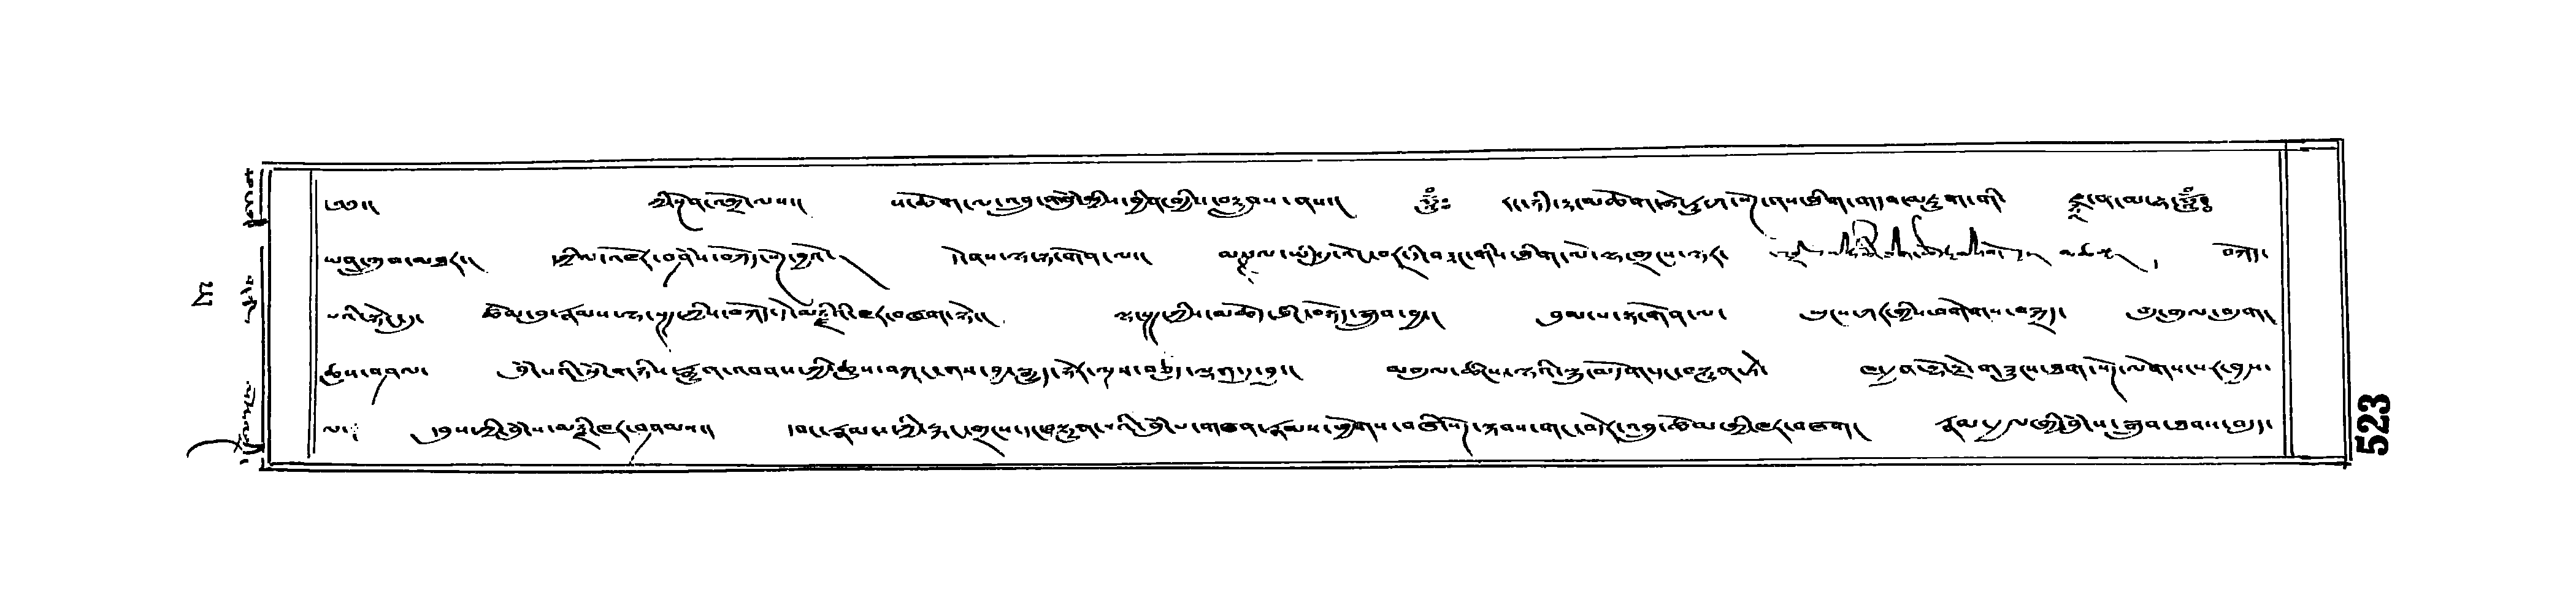ཀྱི་སྔོན་འགྲོ་ལས། ས་ཆོག་ལ་འབྲུ་གསུམ་གྱིས་བྱིན་གྱིས་བརླབས་ནས། ཧཱུྃ༔ རང་ཉིད་རྟ་མཆོག་ཧེ་རུ་ཀ་སོགས་ནས་ཐིག་གདབ་མཇུག་གི ཛྙཱ་ན་མ་དྷ་ཧཱུ༔ 
ཡན་གྲུབ་མཐར། དཀྱིལ་འཁོར་བཤམས་བཀོད་སོགས་བྱའོ། དེ་ནས་ལྷ་སྟ་གོན་ལ། མཎྜལ་ཡིད་དུ་འོང་བར་དྲི་བཟང་གིས་ཐིག་ལེ་ལྷ་གྲངས་ལྟར་བཀོད་
པའི་སྟེང་དུ། ཚོམ་བུ་རྣམས་ལྷ་སྔགས་ཀྱིས་བཀོད་དེ་མཉྫིའི་ཁར་བཞག་སྟེ། ལྷ་སྔགས་ཀྱིས་མཆོད་ཅིང་བསྟོད་སྒྲུབ་བྱ། བུམ་པ་སྟ་གོན་ལ། ཡུངས་ཀར་གྱིས་བགེགས་བསྐྲད། གུ་གུལ་བདུག 
ཆུས་བཤལ། བུམ་པའི་སུམ་གཉིས་རྒྱུན་འབབ་ཀྱི་ཆུས་བཀང་ནས་བུམ་རྫས་ཉེར་ལྔས་བཅུད་ལྡན་དུ་བྱ། མགུལ་ཆིངས་ལྷའི་སྐུ་མདོག་དང་བསྟུན་ཏེ། ཁ་རྒྱན་རྡོ་རྗེ་གཟུངས་ཐག་སོགས་ལེགས་པར་བྱས་
ལ། དབུས་ཀྱི་བུམ་པ་མཉྫི་ཁར་བཤམས། དབང་རྣམས་ཀྱི་རྐང་གྲངས་དང་བསྟུན་པའི་བུམ་པ་གཞན་རྣམས་ཕྱོགས་བཞི་སོགས་སྐབས་གང་བདེར་འབྲུ་ཚོམ་གྱི་ཁར་བཞག རྣམ་རྒྱལ་གྱི་བུམ་པ་སྒྲུབ་ཐབས་བདུད་